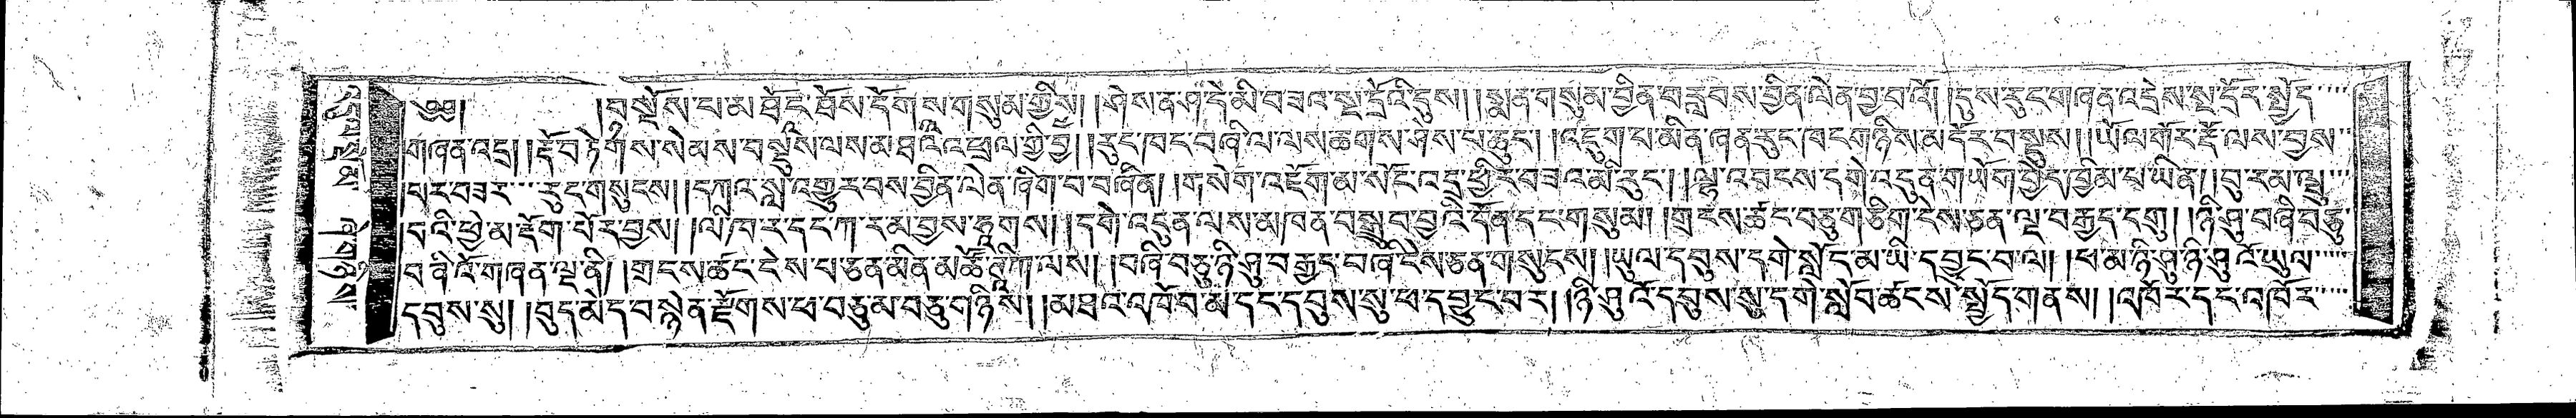༄༅། །བསྔོས་པ་མཐོང་ཐོས་དོགས་གསུམ་གྱིས། །ཤེས་ན་ཤ་དེ་མི་བཟའ་སྔ་དྲོའི་དུས། །སྨན་གསུམ་བྱིན་བརླབས་བྱིན་ལེན་བྱ་བ་འོ། །དུས་རུང་གཞན་འདྲེས་སྔ་དྲོར་སྤྱོད་
གཞན་འདྲ། །རྡོ་བཏེགས་སེམས་བསྡུས་ལས་མཐའ་འཕྲལ་གྱི་བྱ། །རུང་ཁང་བཞི་ལ་ལས་ཆགས་ཤེས་པ་ཆུང་། །འཇུག་པ་མིན་ཞན་རུང་ཁང་གཉིས་མདོར་བསྡུས། །ཡོལ་གོར་རྡོ་ལས་བྱས་
པར་བཟར་རུང་གསུངས། །དཀའ་སླ་འགྱུར་བས་བྱིན་ལེན་ཞིག་བ་བཞིན། །གསེག་འཇོག་མ་སོང་འདྲ་ཕྱིར་བཟའ་མི་རུང་། །ལྷ་འབངས་དགེ་འདུན་གཡོག་བྱེད་ཁྱིམ་པ་ཡིན། །བུ་རམ་ལྦུ་
བའི་ཕྱེ་མ་རྡོག་པོར་བྱས། །ལི་ཁ་ར་དང་ཀ་ར་མ་བྱས་ཧཱགས། །དགེ་འདུན་ལས་མཁན་བསྒྲུབ་བྱའི་དོན་དང་གསུམ། །གྲངས་ཚང་བཅུ་གཅིག་ངེས་ཅན་ལྔ་བརྒྱད་དགུ། །ཉི་ཤུ་བཞི་བཅུ་
བཞིའོ་གཞན་ལྔ་ནི། །གྲངས་ཚང་ངེས་པ་ཅན་མིན་མཚོ་ཊཱིཀ་ལས། །བཞི་བཅུ་ཉི་ཤུ་བརྒྱད་བཞི་ངེས་ཅན་གསུངས། །ཡུལ་དབུས་དགེ་སློང་མ་ཡི་དབྱུང་བ་ལ། །ཕ་མ་ཉི་ཤུ་ཉི་ཤུའོ་ཡུལ་
དབུས་སུ། །བུད་མེད་བསྙེན་རྫོགས་ཕ་བཅུ་མ་བཅུ་གཉིས། །མཐའ་འཁོབ་མ་དང་དབུས་སུ་ཕ་དབྱུང་བར། །ཉི་ཤུའོ་དབུས་སུ་དགེ་སློབ་ཚངས་སྤྱོད་གནས། །འཁོར་དང་འཁོར་